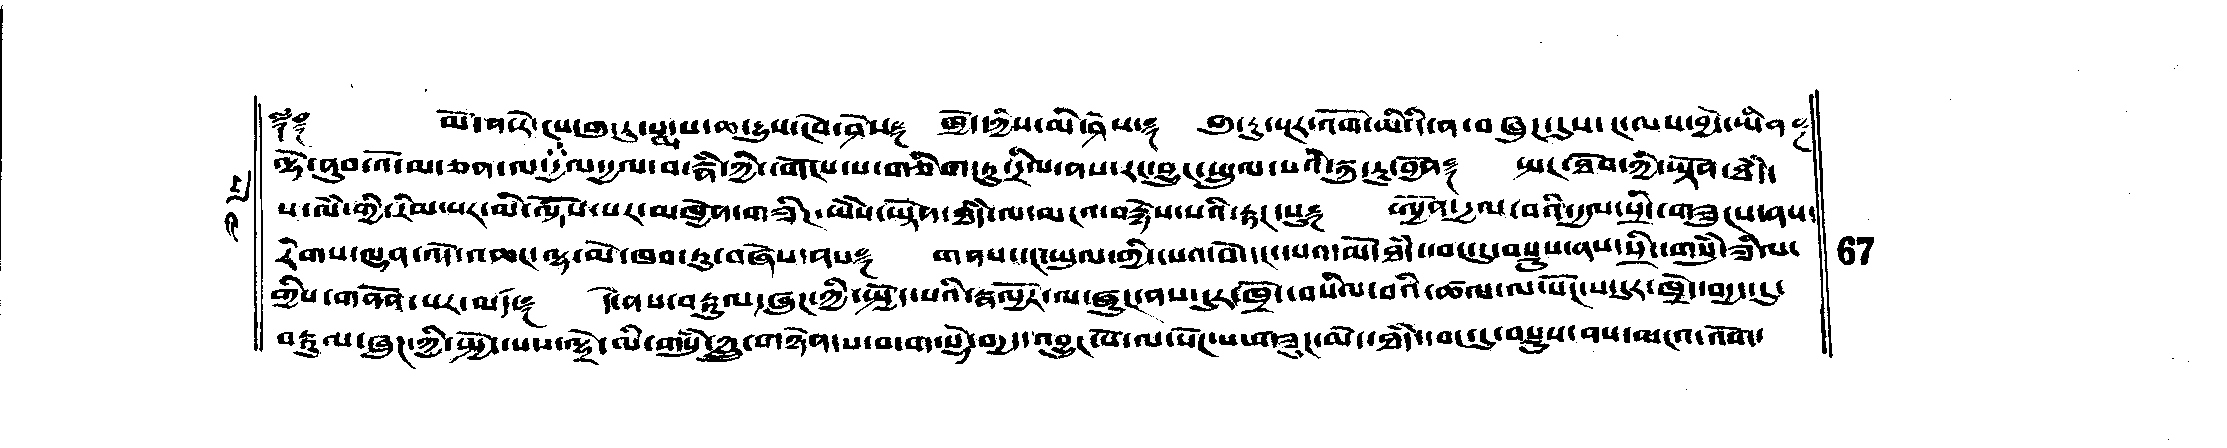མོ་ན་རེ་ངས་གུ་རུ་པདྨའི་ཆ་རྒྱུས་ངས་ཤེས། ཁྱོད་ཀྱིས་མི་ཤེས། གུ་རུ་སྔར་འོག་མིན་ཞུགས་དུས་ང་ལས་བྱེད་ཡིན། 
ལྷོ་ནུབ་འོ་མ་ཅན་ལ་རྒྱལ་བ་རྣམས་ཀྱི་དགོངས་པ་གཅིག་ཏུ་དྲིལ་ནས་རང་བྱུང་སྤྲུལ་པའི་སྐུ་རུ་བྱོན། སྤང་ཐོབ་ཀྱི་ཡོན་ཏན་ཐམས་ཅད་
ས་ལམ་གྱི་རིམ་པར་མི་ལྟོས་པར་མཁྱེན་གཟིགས་ཡེ་ཤེས་ཡོན་ཏན་ཐམས་ཅད་ལ་མངའ་བརྙེས་པའི་རྟགས་སུ། ཨོ་རྒྱན་རྒྱལ་པོའི་རྒྱལ་སྲིད་བཟུང་ནས་
རིགས་ལྡན་འོད་འཆང་ལྷ་མོ་ཁབ་ཏུ་བཞེས་ནས།གནས་དང་ཡུལ་གྱི་དཔའ་བོ་དང་དཔའ་མོ་ཐམས་ཅད་དབང་དུ་བསྡུས་ནས་སྲིད་གསུམ་ཟིལ་
གྱིས་གནོན་པར་མཛད། དེ་ནས་བརྟུལ་ཞུགས་ཀྱི་སྤྱོད་པའི་རྣལ་འབྱོར་ལ་ཞུགས་ནས་དུར་ཁྲོད་བསིལ་བའི་ཚལ་ལ་སོགས་པ་དུར་ཁྲོད་བརྒྱད་དུ་
བརྟུལ་ཞུགས་ཀྱི་སྤྱོད་པས་ལྷ་འདྲེ་མི་གསུམ་ཀླུ་གཉེན་ས་བདག་སྡེ་བརྒྱད་འབྱུང་པོ་ལ་སོགས་པ་གཟུགས་མེད་ཐམས་ཅད་དབང་དུ་བསྡུས་ནས་མངའ་འོག་